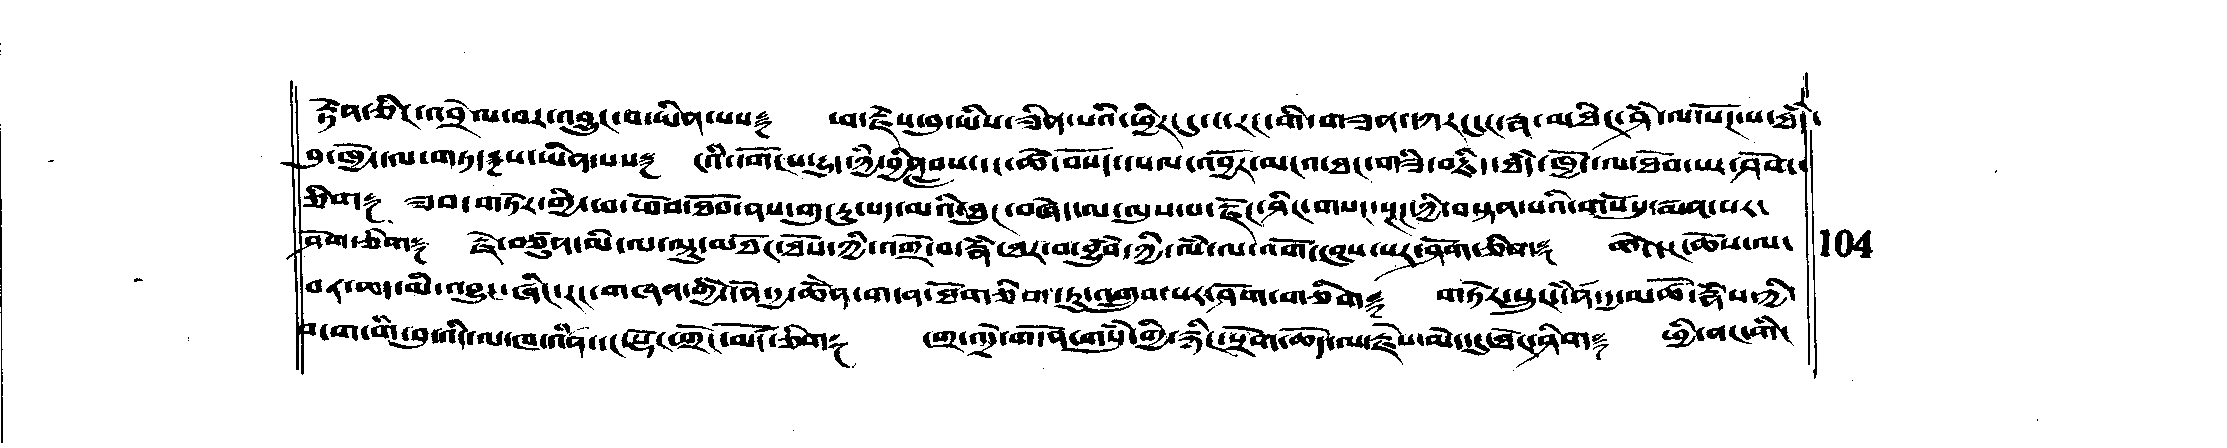རྟེན་ཅིང་འབྲེལ་བར་འབྱུང་བ་ཡིན་པས། ཕ་རྗེས་བུ་ཡིས་ཟིན་པའི་ཕྱིར་དུ་ང་རང་གི་གཟན་དཀར་དུང་རྣ་མཐང་ཤམ་ལ་སོགས་པ་ཐམས་ཅད་
བུ་ཁྱོད་ལ་གཏད་པ་ཡིན་པས། ངའི་དགོངས་རྒྱུད་ཀྱི་བྱིན་རླབས་དང་ཚེ་བསོད་དཔལ་འབྱོར་མངའ་ཐང་གཟི་བརྗིད་ཐམས་ཅད་ཁྱོད་ལ་ཐོབ་པར་ཤོག་
ཅིག ཟབ་གཏེར་གྱི་ཕ་ཕོག་ཐོབ་ནས་གུ་རུ་པད་མའི་ཐུགས་བཞེད་མ་ལུས་པ་རྫོགས་ཤིང་གསང་སྔགས་ཀྱི་བསྟན་པའི་གསོས་སུ་སྨན་པར་
ཤོག་ཅིག རྗེ་བཙུན་མི་ལ་ལྟ་བུ་མཐོང་ཐོས་ཀྱི་འགྲོ་བ་རྣམས་ཐར་པ་བྱང་ཆུབ་ཀྱི་ལམ་ལ་འགོད་ནུས་པར་ཤོག་ཅིག ཚེ་དང་ཆོས་ལ་
བར་ཆད་མི་འབྱུང་ཞིང་རང་གཞན་གྱི་དོན་རྒྱ་ཆེན་པོ་གདན་ཐོག་ཅིག་ཏུ་འགྲུབ་པར་ཤོག་ཅིག གཏེར་སྲུང་དམ་ཅན་རྒྱ་མཚོ་རྣམས་ཀྱི་
བདག་གི་བུ་འདི་ལ་ཁ་འཛིན་དང་སྡོང་གྲོགས་མཛོད་ཅིག དགྲ་འདྲེ་གདོན་གསུམ་གྱི་སྙིང་སྲོག་ཆོད་ལ་རྗེས་མེད་དུ་ཐོངས་ཤིག ཕྱི་ནང་གི་